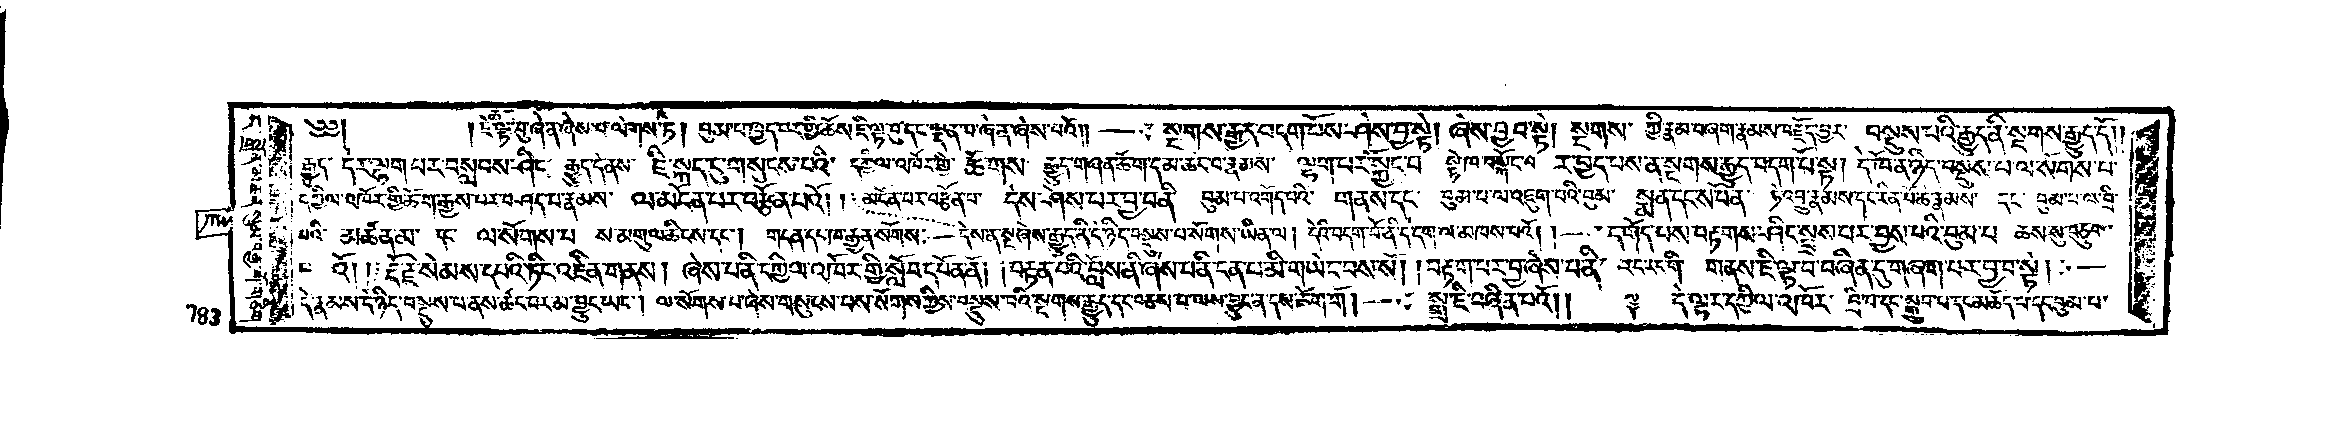༄༅། ། ཇི་ལྟ་བ་བུ་ཞེ་ན་ཞེས་པ་ལེགས་ཏེ། བུམ་པ་ཁྱད་པར་གྱི་ཆོས་ཇི་ལྟ་བུ་དང་ལྡན་པ་ཞེ་ན་ཞེས་པའོ།། .H སྔགས་རྒྱུད་བདག་པོས་ཤེས་བྱ་སྟེ། ཞེས་བྱ་བ་སྟེ། སྔགས་ཀྱི་རྣམ་བཞག་རྣམས་བརྗོད་བྱར་བསྡུས་པའི་རྒྱུད་ནི་སྔགས་རྒྱུད་དོ།།
རྒྱུད་དེར་ལྷག་པར་བསླབས་ཤིང་རྒྱུད་དེ་ནས་ཇི་སྐད་དུ་གསུངས་པའི་དཀྱིལ་འཁོར་གྱི་ཚོགས་རྒྱུད་གཞན་ཆ་ག་དམ་ཚང་བ་རྣམས་ལྷག་པར་སྐྱོང་བ་སྟེ་ཁ་བསྐོར་བ་ར་བྱེད་པས་ན་སྔགས་རྒྱུད་བདག་པོ་སྟེ། དེ་ཁོ་ན་ཉིད་བསྡུས་པ་ལ་སོགས་པ་
དཀྱིལ་འཁོར་གྱི་ཆོ་ག་རྒྱས་པར་བཤད་པ་རྣམས་ལ་མངོན་པར་བརྩོན་པའོ། ། མངོན་པར་བརྩན་པ་དེས་ཤེས་པར་བྱ་བ་ནི་བུམ་པ་འགོད་བའི་གནས་དང་བུམ་པ་ལ་འཇུག་པའི་བུམ་སྨན་དང་ས་བོན་ཏེ་འབྲུ་རྣམས་དང་རིན་པོ་ཆེ་རྣམས་དང་བུམ་པ་ལ་བྲི་
པའི་མཚན་མ་དང་ལ་སོགས་པ་ས་མགུལ་ཆིངས་དང་། གདན་དང་ཁ་རྒྱན་སོགས་H.་དེས་ན་སྔགས་རྒྱུད་ནི་དེ་ཉིད་བསྡུས་པ་སོགས་ཡིན་ལ། དེའི་བདག་པོ་ནི་དེ་དག་ལ་མཁས་པའོ།། .H དགོད་པས་བརྟགས་ཤིང་སྤྲས་པར་བྱས་པའི་བུམ་པ་ཆོས་སུ་བཅུག་
པའོ། །རྡོ་རྗེ་སེམས་དཔའི་ཏིང་འཛིན་གནས། ཞེས་པ་ནི་དཀྱིལ་འཁོར་གྱི་སློབ་དཔོན་ནོ། །བརྟན་པའི་བློས་ནི་ཞེས་པ་ནི་དྲན་པ་མི་གཡེང་བས་སོ། །བརྟག་པར་བྱ་ཞེས་པ་ནི་རང་རང་གི་གནས་ཇི་ལྟ་བ་བཞིན་དུ་གཞག་པར་བྱ་བ་སྟེ། H.
དེ་རྣམས་དེ་ཉིད་བསྡུས་པ་ནས་ཚང་བར་མ་བྱུང་ཡང་། ལ་སོགས་པ་ཞེས་གསུངས་པས་སོགས་ཀྱིས་བསྡུས་པའི་སྔགས་རྒྱུད་དང་བཅས་པ་ལས་བྱུང་ན་དེས་ཆོག་གོ། .H སྒྲ་ཇི་བཞིན་པའོ། །༈ དེ་ལྟར་དཀྱིལ་འཁོར་བྲི་བ་དང་སྒྲུབ་པ་དང་མཆོད་པ་དང་བུམ་པ་